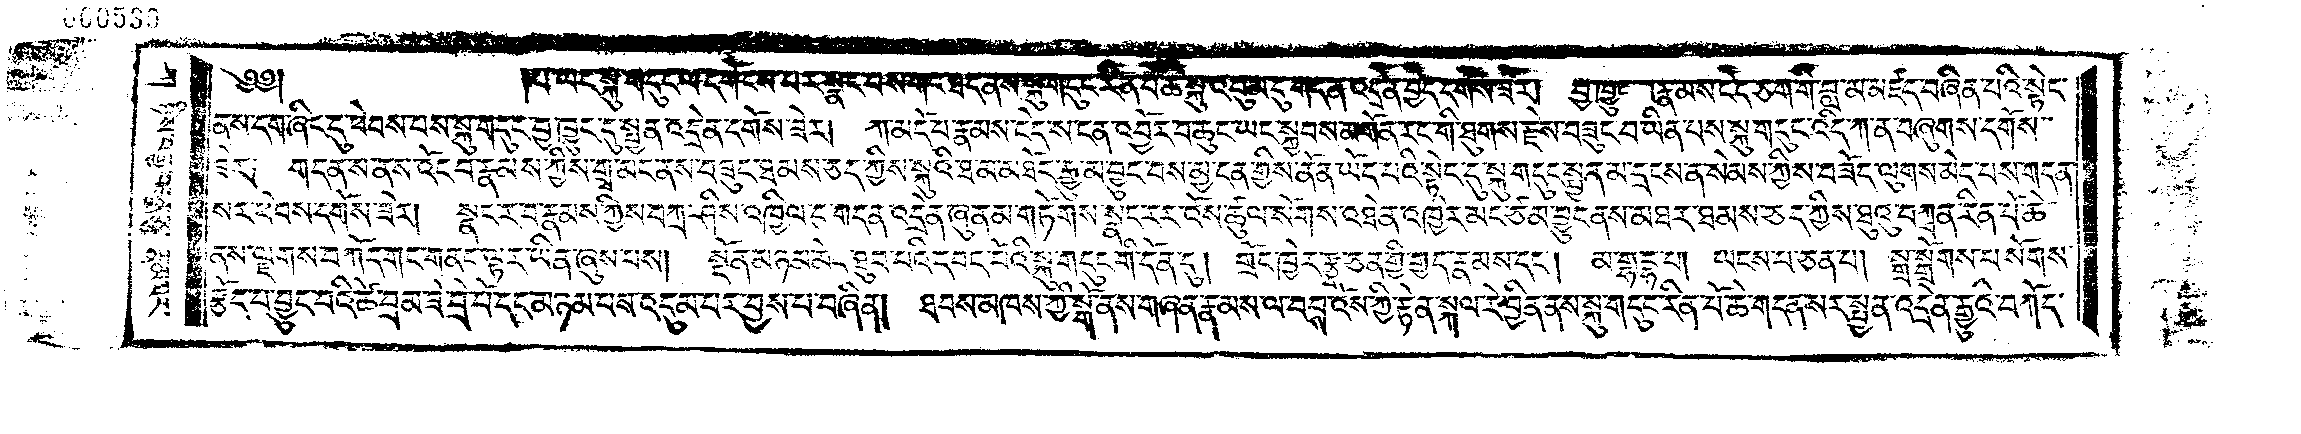༄༅། །པ་ཡང་སྐུ་གདུང་ལ་དགོངས་པར་སྣང་བས་གང་ཐད་ནས་སྐུ་གདུང་རིན་པོ་ཆེ་སྐུ་འབུམ་དུ་གདན་འདྲེན་བྱེད་དགོས་ཟེར། བྱ་ཁྱུང་བ་རྣམས་ངེད་ཅག་གི་བླ་མ་མཛད་བཞིན་པའི་སྟེང་
ནས་དག་ཞིང་དུ་ཕེབས་པས་སྐུ་གདུང་བྱ་ཁྱུང་དུ་སྤྱན་འདྲེན་དགོས་ཟེར། ཀ་མདོ་པ་རྣམས་ངེད་ས་ངན་འབྱོར་བ་ཆུང་ཡང་སྐྱབས་མགོན་རང་གི་ཐུགས་རྗེས་བཟུང་བ་ཡིན་པས་སྐུ་གདུང་འདི་ཀ་ན་བཞུགས་དགོས་
ཟེར༑ གདན་ས་ནས་འོང་བ་རྣམས་ཀྱིས་གྲྭ་མང་ནས་བཟུང་ཐམས་ཅད་ཀྱིས་སྐུའི་ཐ་མ་མཐོང་རྒྱུ་མ་བྱུང་བས་མྱ་ངན་གྱིས་ནོན་ཡོད་པའི་སྟེང་དུ་སྐུ་གདུང་སྤྱན་མ་དྲངས་ན་སེམས་ཀྱིས་བཟོད་ལུགས་མེད་པས་གདན་
སར་ཕེབས་དགོས་ཟེར། སྣང་ར་བ་རྣམས་ཀྱིས་བཀྲ་ཤིས་འཁྱིལ་དུ་གདན་འདྲེན་ཞུ་ན་མ་གཏོགས་སྣང་རར་འོས་ཚུལ་སོགས་འཐེན་འཁྱེར་མང་ཙམ་བྱུང་ནས་མཐར་ཐམས་ཅད་ཀྱིས་ཐུའུ་བཀྭན་རིན་པོ་ཆེ་
ནས་ལྗགས་བཀོད་གང་གནང་ལྟར་ཡིན་ཞུས་པས། སྔོན་མཉམ་མེད་ཐུབ་པའི་དབང་པོའི་སྐུ་གདུང་གི་དོན་དུ། གྲོང་ཁྱེར་རྩྭ་ཅན་གྱི་གྱད་རྣམས་དང་། མ་གྷ་དྷ་པ། ཡངས་པ་ཅན་པ། སྒྲ་སྒྲོགས་པ་སོགས་
རྩོད་པ་བྱུང་བའི་ཚེ་བྲམ་ཟེ་བྲེ་པོ་དང་མཉམ་པས་འདུམ་པར་བྱས་པ་བཞིན། ཐབས་མཁས་ཀྱི་སྒོ་ནས་གཞན་རྣམས་ལ་བབས་འོས་ཀྱི་རྟེན་སྐལ་རེ་བྱིན་ནས་སྐུ་གདུང་རིན་པོ་ཆེ་གདན་སར་སྤྱན་འདྲེན་རྒྱུའི་བཀོད་